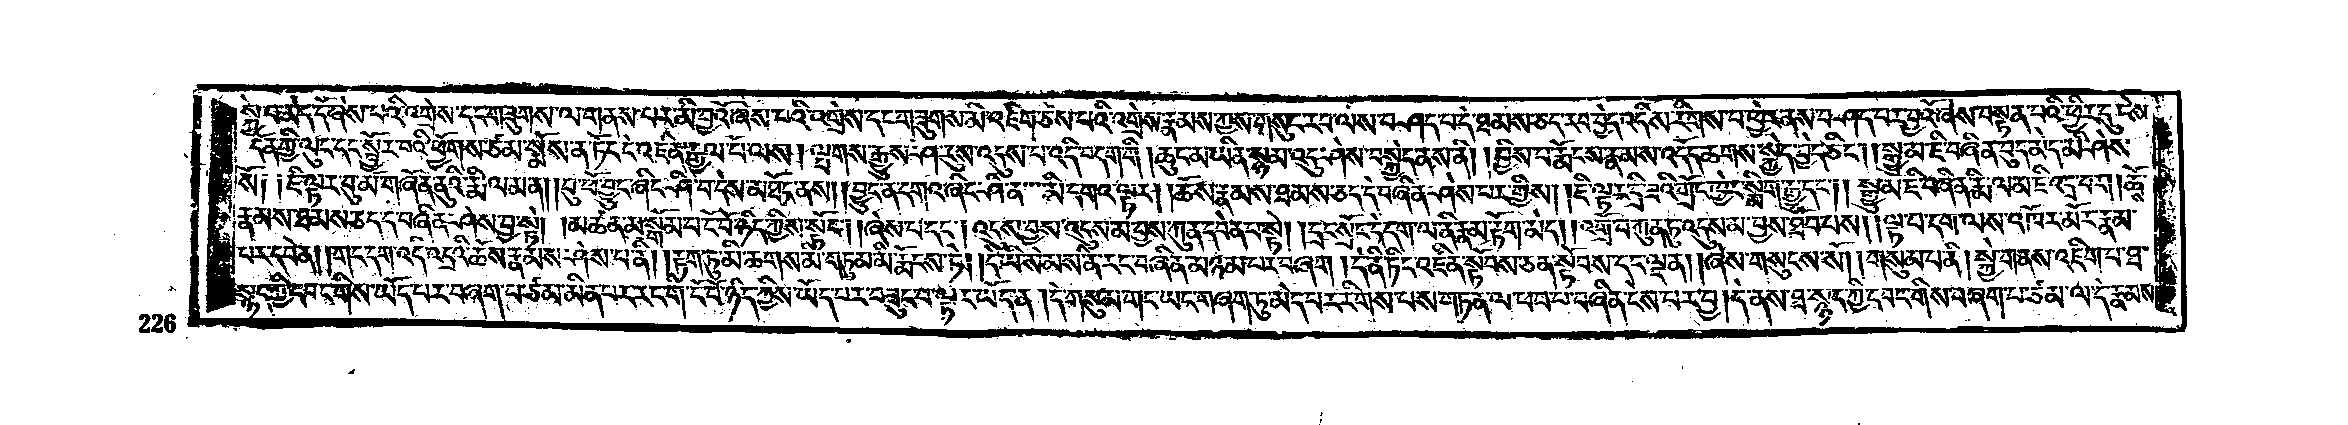སྐྱེ་བ་མེད་དོ་ཞེས་པའི་འགྲེས་དང་གཟུགས་ལ་གནས་པར་མི་བྱའོ་ཞེས་པའི་འགྲེས་དང་གཟུགས་མི་འཇིག་ཅེས་པའི་འགྲེས་རྣམས་ཀྱིས་གསུང་རབ་ལས་བཤད་པ་དེ་ཐམས་ཅད་རབ་བྱེད་འདིས་རིགས་པ་ཁྱེར་ནས་བཤད་པར་བྱའོ་ཞེས་བསྟན་པའི་ཕྱིར་དུ། ངེས་
དོན་གྱི་ལུང་དང་སྦྱོར་བའི་ཕྱོགས་ཙམ་སྨོས་ན་ཏིང་ངེ་འཛིན་རྒྱལ་པོ་ལས། ལྤགས་རྒྱུས་ཤ་རུས་འདུས་པ་འདི་བདག་གི། ཆུང་མ་ཡིན་སྙམ་འདུ་ཤེས་བསྐྱེད་ནས་ནི། །བྱིས་པ་རྨོངས་རྣམས་འདོད་ཆགས་སྐྱེད་བྱེད་ཅིང་། །སྒྱུ་མ་ཇི་བཞིན་བུད་མེད་མི་ཤེས་
སོ༑ ༑ཇི་ལྟར་བུ་མོ་གཞོན་ནུའི་རྨི་ལམ་ན། །བུ་ཕོ་བྱུང་ཞིང་ཤི་བ་དེས་མཐོང་ནས། །བྱུང་ན་དགའ་ཞིང་ཤི་ན་མི་དགའ་ལྟར། །ཆོས་རྣམས་ཐམས་ཅད་དེ་བཞིན་ཤེས་པར་གྱིས། །ཇི་ལྟར་དྲི་ཟའི་གྲོང་ཁྱེར་སྨིག་རྒྱུ་དང་། །སྒྱུ་མ་ཇི་བཞིན་རྨི་ལམ་ཇི་འདྲ་བར། །ཆོས་
རྣམས་ཐམས་ཅད་དེ་བཞིན་ཤེས་བྱ་སྟེ། །མཚན་མ་སྒོམ་པ་ངོ་བོ་ཉིད་ཀྱིས་སྟོང་། །ཞེས་པ་དང་། འདུས་བྱས་འདུས་མ་བྱས་ཀུན་དབེན་པ་སྟེ། །དྲང་སྲོང་དེ་དག་ལ་ནི་རྣམ་རྟོག་མེད། །འགྲོ་བ་ཀུན་ཏུ་འདུས་མ་བྱས་ཐོབ་པས། །ལྟ་བ་དག་ལས་འཁོར་མོར་རྣམ་
པར་དབེན། །གང་དག་འདི་འདྲའི་ཆོས་རྣམས་ཤེས་པ་ནི། །རྟག་ཏུ་མི་ཆགས་མི་གཏུམ་མི་རྨོངས་ཏེ། །དེ་ཡི་སེམས་ནི་རང་བཞིན་མཉམ་པར་བཞག །དེ་ནི་ཏིང་འཛིན་སྟོབས་ཅན་སྟོབས་དང་ལྡན། །ཞེས་གསུངས་སོ། །གསུམ་པ་ནི། སྐྱེ་གནས་འཇིག་པ་ཐ་
སྙད་ཀྱི་དབང་གིས་ཡོད་པར་བཞག་པ་ཅམ་མིན་པར་རང་གི་ངོ་བོ་ཉིད་ཀྱིས་ཡོད་པར་བཟུང་བ་ལྟར་ཡོད་ན། དེ་གསུམ་གང་ཡང་གཞག་ཏུ་མེད་པར་རིགས་པས་གཏན་ལ་ཕབ་པ་བཞིན་ངེས་པར་བྱ། དེ་ནས་ཐ་སྙད་ཀྱི་དབང་གིས་བཞག་པ་ཙམ་ལ་དེ་རྣམས་